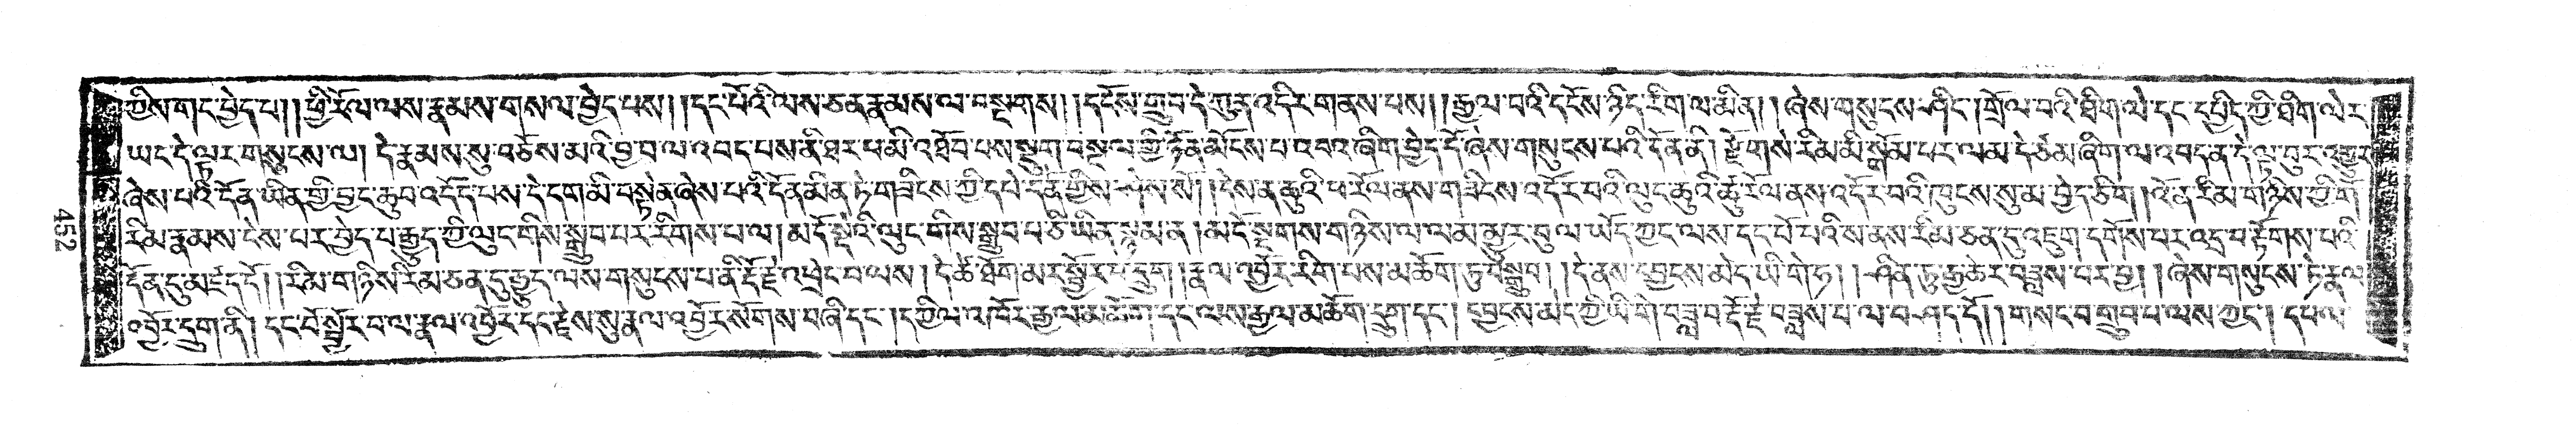ཀྱིས་གང་བྱེད་པ། །ཕྱི་རོལ་ལས་རྣམས་གསལ་བྱེད་པས། །དང་པོའི་ལས་ཅན་རྣམས་ལ་བསྔགས། །དངོས་གྲུབ་དེ་ཀུན་འདིར་གནས་པས། །རྒྱལ་བའི་དངོས་ཉིད་རིག་ལ་མིན། །ཞེས་གསུངས་ཤིང་།གྲོལ་བའི་ཐིག་ལེ་དང་དཔྱིད་ཀྱི་ཐིག་ལེར་
ཡང་དེ་ལྟར་གསུངས་ལ། དེ་རྣམས་སུ་བཅོས་མའི་བྱ་བ་ལ་འབད་པས་ནི་ཐར་པ་མི་འཐོབ་པས་སྡུག་བསྔལ་གྱི་ཉོན་མོངས་པ་འབའ་ཞིག་བྱེད་དོ་ཞེས་གསུངས་པའི་དོན་ནི། རྫོགས་སེ་རིམ་མི་སྒོམ་པར་ལམ་དེ་ཙམ་ཞིག་ལ་འབད་ན་དེ་ལྟ་བུར་འགྱུར་
ཞེས་པའི་དོན་ཡིན་གྱི་བྱང་ཆུབ་འདོད་པས་དེ་དག་མི་བསྟེན་ཞེས་པའི་དོན་མིན་ཏེ་གཟེངས་ཀྱི་དཔེ་དོན་གྱིས་ཤེས་སོ། །དེས་ན་ཆུའི་ཕ་རོལ་ནས་གཟིངས་འདོར་བའི་ལུང་ཆུའི་ཚུ་རོལ་ནས་འདོར་བའི་ཁུངས་སུ་མ་བྱེད་ཅིག །འོ་ན་རིམ་གཉིས་ཀྱི་གོ་
རིམ་རྣམས་ངེས་པར་བྱེད་པ་རྒྱུད་ཀྱི་ལུང་གིས་སྒྲུབ་པར་རིགས་པ་ལ། མདོ་སྡེའི་ལུང་གིས་སྒྲུབ་པ་ཅི་ཡིན་སྙམ་ན། མདོ་སྔགས་གཉིས་ལ་ལམ་མྱུར་བུལ་ཡོད་ཀྱང་ལས་དང་པོ་པའི་ས་ནས་རིམ་ཅན་དུ་འཇུག་དགོས་པར་འདྲ་བ་རྟོགས་པའི་
དོན་དུ་མཛད་དོ། །རིམ་གཉིས་རིམ་ཅན་དུ་རྒྱུད་ལས་གསུངས་པ་ནི་རྡོ་རྗེ་འཕྲང་བ་ལས། དེ་ཚེ་ཐོག་མར་སྦྱོར་བ་དྲུག །རྣལ་འབྱོར་རིག་པས་མཆོག་ཏུ་བསྒྲུབ། །དེ་ནས་དབྱངས་མེད་ཡི་གེ་ཧ། །ཤིན་ཏུ་རྒྱ་ཆེར་བཟླས་པར་བྱ། །ཞེས་གསུངས་ཏེ་རྣལ་
འབྱོར་དྲུག་ནི། དང་པོ་སྦྱོར་བ་ལ་རྣལ་འབྱོར་དང་རྗེས་སུ་རྣལ་འབྱོར་སོགས་བཞི་དང་།དཀྱིལ་འཁོར་རྒྱལ་མཆོག་དང་ལས་རྒྱལ་མཆོག་དྲུག་དང་། དབྱངས་མེད་ཀྱི་ཡི་གེ་བཟླ་བ་རྡོ་རྗེ་བཟླས་པ་ལ་བཤད་དོ། །གསང་བ་གྲུབ་པ་ལས་ཀྱང་།དཔལ་